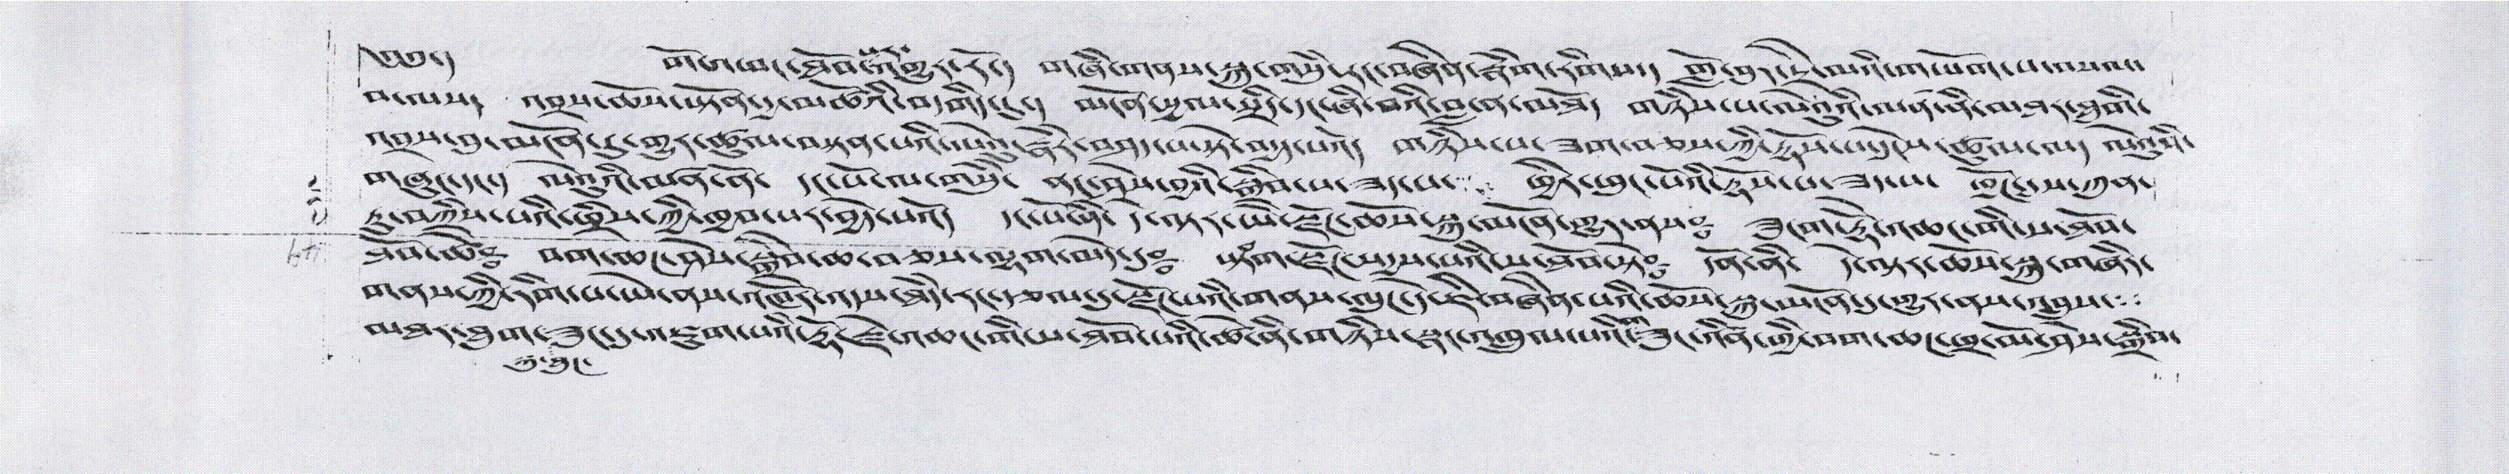གོ་འཕང་ཐོབ་པར་འགྱུར་རོ། གཞི་གནས་སྐུ་གསུམ་རང་བཞིན་རྣམ་དག་རིགས། གློ་བུར་དྲི་མས་གཡོགས་པ་བསལ་
བ་ལས། འབྲས་ཆོས་ཡོན་ཏན་རྒྱ་མཚོའི་བདག་ཉིད་དུ། མངོན་གསལ་སྲིད་དང་ཞི་བའི་བླ་ན་མཐོ། །གཉིས་པ་ལེའུའི་མཚན་ནི་མཐར་ཐུག་གི་
འབྲས་བུ་མངོན་དུ་གྱུར་ཚུལ་བསྟན་པའི་ལེའུ་རྣམ་པར་བཤད་པ་སྟེ་བརྒྱད་པའོ། གཉིས་པ་ཟག་བཅས་ཀྱི་རྡོས་པ་དེངས་ཚུལ་ལ། ལེའུའི་
གཞུང་དང་། ལེའུའི་མཚན་ནོ། དང་པོ་ལ་གསུམ། ནང་ཤེས་བྱའི་སྒྲིབ་པ་ཟད་པ། ཕྱིར་ཕུང་པོའི་རྡོས་པ་ཟད་པ། ཕྱོགས་དུས་ཀུན་
ཏུ་བཀྲ་ཤིས་པའི་འཕྲིན་ལས་ཀྱིས་ཁྱབ་པར་བྱེད་པའོ། དང་པོ་ནི། དེ་ལྟར་ཡེ་རྫོགས་ཆོས་སྐུ་མངོན་གྱུར་ནསཿ ཟུང་འཇུག་རྡོ་རྗེ་འཆང་གི་ས་ཐོབ་
ཚེཿ བག་ཆགས་ཤེས་སྒྲིབ་ཆ་བཅས་ལྷག་མེད་དུཿ ཡང་དག་རྫོགས་སངས་རྒྱས་པའི་ས་ཐོབ་སྟེ། དོན་ནི། དེ་ལྟར་ཆོས་སྐུ་གཞིར་
གནས་ཀྱི་རིག་པ་ཡེ་ནས་འཁོར་འདས་ཐམས་ཅད་རང་རྩལ་དུ་རྫོགས་པའི་གནས་ལུགས་དེ་ཇི་བཞིན་པའི་ཆོས་སྐུ་མངོན་དུ་གྱུར་ནས་འབྲས་བུ་
མཐར་ཐུག་སྐུ་ཐུགས་ཟུང་དུ་འཇུག་པའི་རྡོ་རྗེ་འཆང་གི་ས་བོན་ཐོབ་པའི་ཚེ་ནི་གཉིས་སྣང་འཁྲུལ་པའི་གཟུང་འཛིན་གྱི་བག་ཆགས་ཕྲ་མོ་ཤེས་སྒྲིབ་